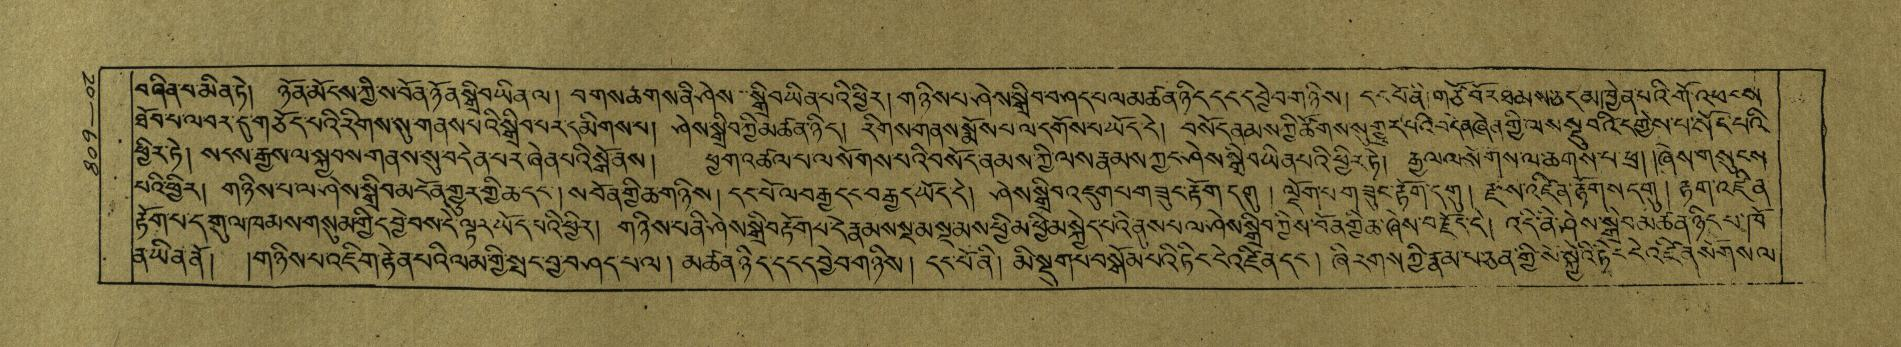བཞིན་པ་མིན་ཏེ། ཉོན་མོངས་ཀྱི་ས་བོན་ཉོན་སྒྲིབ་ཡིན་ལ། བགས་ཆགས་ནི་ཤེས་སྒྲིབ་ཡིན་པའི་ཕྱིར། གཉིས་པ་ཤེས་སྒྲིབ་བཤད་པ་ལ་མཚན་ཉིད་དང་དབྱེ་བ་གཉིས། དང་པོ་ནི། གཙོ་བོར་ཐམས་ཅད་མཁྱེན་པའི་གོ་འཕངས་
ཐོབ་པ་ལ་བར་དུ་གཅོད་པའི་རིགས་སུ་གནས་པའི་སྒྲིབ་པར་དམིགས་པ། ཤེས་སྒྲིབ་ཀྱི་མཚན་ཉིད། རིགས་གནས་སྨོས་པ་ལ་དགོས་པ་ཡོད་དེ། བསོད་ནམས་ཀྱི་ཚོགས་སུ་གྱུར་པའི་བདེན་ཞེན་གྱི་ལས་སྡུ་བའི་དགོས་པ་ཡོད་པའི་
ཕྱིར་ཏེ། སངས་རྒྱས་ལ་སྐྱབས་གནས་སུ་བདེན་པར་ཞེན་པའི་སྒོ་ནས། ཕྱག་འཚལ་པ་ལ་སོགས་པའི་བསོད་ནམས་ཀྱི་ལས་རྣམས་ཀྱང་ཤེས་སྒྲིབ་ཡིན་པའི་ཕྱིར་ཏེ། རྒྱལ་ལ་སོགས་ལ་ཆགས་པ་ཕྲ། །ཞེས་གསུངས་
པའི་ཕྱིར། གཉིས་པ་ལ་ཤེས་སྒྲིབ་མངོན་འགྱུར་གྱི་ཆ་དང་། ས་བོན་གྱི་ཆ་གཉིས། དང་པོ་ལ་བརྒྱ་དང་བརྒྱད་ཡོད་དེ། ཤེས་སྒྲིབ་འཇུག་པ་གཟུང་རྟོག་དགུ །ལྡོག་པ་གཟུང་རྟོག་དགུ ། རྫས་འཛིན་རྟོག་པ་དགུ ། རྟག་འཛིན་
རྟོག་པ་དགུ་ལ་ཁམས་གསུམ་གྱི་དབྱེ་བས་དེ་ལྟར་ཡོད་པའི་ཕྱིར། གཉིས་པ་ནི་ཤེས་སྒྲིབ་རྟོག་པ་དེ་རྣམས་སྔ་མ་སྔ་མས་ཕྱི་མ་ཕྱི་མ་སྐྱེད་པའི་ནུས་པ་ལ་ཤེས་སྒྲིབ་ཀྱི་ས་བོན་གྱི་ཆ་ཞེས་བརྗོད་དེ། འདི་ནི་ཤེས་སྒྲིབ་མཚན་ཉིད་པ་ཁོ་
ན་ཡིན་ནོ། །གཉིས་པ་འཇིག་རྟེན་པའི་ལམ་གྱི་སྤང་བྱ་བཤད་པ་ལ། མཚན་ཉིད་དང་དབྱེ་བ་གཉིས། དང་པོ་ནི། མི་སྡུག་པ་བསྒོམ་པའི་ཏིང་ངེ་འཛིན་དང་། ཞི་རགས་ཀྱི་རྣམ་པ་ཅན་གྱི་སོ་སྐྱེའི་ཏིང་ངེ་འཛིན་སོགས་ལ་